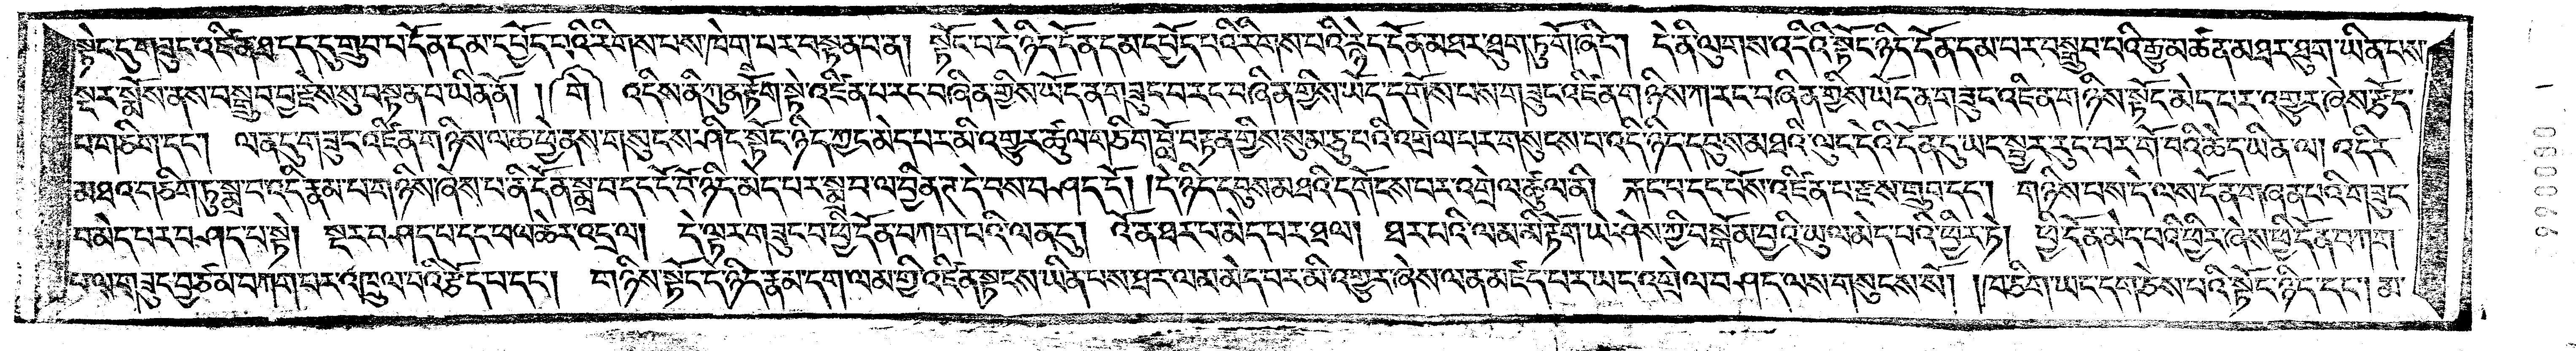སྟེང་དུ་གཟུང་འཛིན་ཐ་དད་དུ་གྲུབ་པ་དོན་དམ་དཔྱོད་པའི་རིགས་པས་ཁེགས་པར་བསྟན་པ་ན། སྟོང་པ་དེ་ཉིད་དོན་དམ་དཔྱོད་པའི་རིགས་པའི་རྙེད་དོན་མཐར་ཐུག་ཏུ་གོ་ཞིང་། དེ་ནི་ལུགས་འདིའི་སྟོང་ཉིད་དོན་དམ་པར་བསྒྲུབ་པའི་རྒྱུ་མཚན་མཐར་ཐུག་ཡིན་པས་
སྔར་སྨོས་ནས་བསྒྲུབ་བྱ་རྗེས་སུ་བསྟན་པ་ཡིན་ནོ། །༼གེ༽ འདིས་ནི་ཀུན་རྟོག་སྟེ་འཛིན་པ་རང་བཞིན་གྱིས་ཡོད་ན་གཟུང་བ་རང་བཞིན་གྱིས་ཡོད་དགོས་པས་གཟུང་འཛིན་གཉིས་ཀ་རང་བཞིན་གྱིས་ཡོད་ན་གཟུང་འཛིན་གཉིས་སྟོང་མེད་པར་འགྱུར་ཞེས་རྩོད་
པ་གཅིག་དང་། ལན་དུ་གཟུང་འཛིན་གཉིས་ལ་ཆ་ཕྱེ་ནས་གསུངས་ཤིང་སྟོང་ཉིད་ཀྱང་མེད་པར་མི་འགྱུར་ཚུལ་གཅིག་བློ་བརྟན་གྱིས་སུམ་ཅུ་པའི་འགྲེལ་པར་གསུངས་པ་འདི་ཉིད་དབུས་མཐའི་ལུང་དེའི་དོན་དུ་ཡང་སྦྱར་རུང་བར་གོ་བའི་ཆེད་ཡིན་ལ། འདིར་
མཐའ་གཅིག་ཏུ་སྨྲ་བ་འདི་རྣམ་པ་གཉིས་ཞེས་པ་ནི་དོན་སྨྲ་བ་དང་ངོ་བོ་ཉིད་མེད་པར་སྨྲ་བ་ལ་བྱིན་ཊ་དེ་བས་བཤད་དོ། །དེ་ཉིད་དབུས་མཐའི་དགོངས་པར་འགྲེལ་ཚུལ་ནི། །རྐང་པ་དང་པོས་འཛིན་པ་རྫས་གྲུབ་དང་། གཉིས་པས་དེ་ལས་དོན་གཞན་པའི་གཟུང་
བ་མེད་པར་བཤད་པ་སྟེ། སྔར་བཤད་པ་དང་ཕལ་ཆེར་འདྲ་ལ། དེ་ལྟར་གཟུང་བ་ཕྱི་དོན་བཀག་པའི་ལན་དུ། འོ་ན་ཐར་པ་མེད་པར་ཐལ། ཐར་པའི་ལམ་མི་རྟོག་ཡེ་ཤེས་ཀྱི་བསྒོམ་བྱའི་ཡུལ་མེད་པའི་ཕྱིར་ཏེ། ཕྱི་དོན་མེད་པའི་ཕྱིར་ཞེས་ཕྱི་དོན་བཀག་
པ་ལ་གཟུང་བྱ་ཙམ་བཀག་པར་འཁྲུལ་བའི་རྩོད་པ་དང་། གཉིས་སྟོང་དེ་ཉིད་རྣམ་དག་ལམ་གྱི་འཛིན་སྟངས་ཡིན་པས་ཐར་ལམ་མེད་པར་མི་འགྱུར་ཞེས་ལན་མཛད་པར་ཡང་འགྲེལ་བཤད་ལས་གསུངས་སོ། །ཁ་ཅིག་ཡང་དག་ཅེས་པའི་སྟོང་ཉིད་དང་། མ་